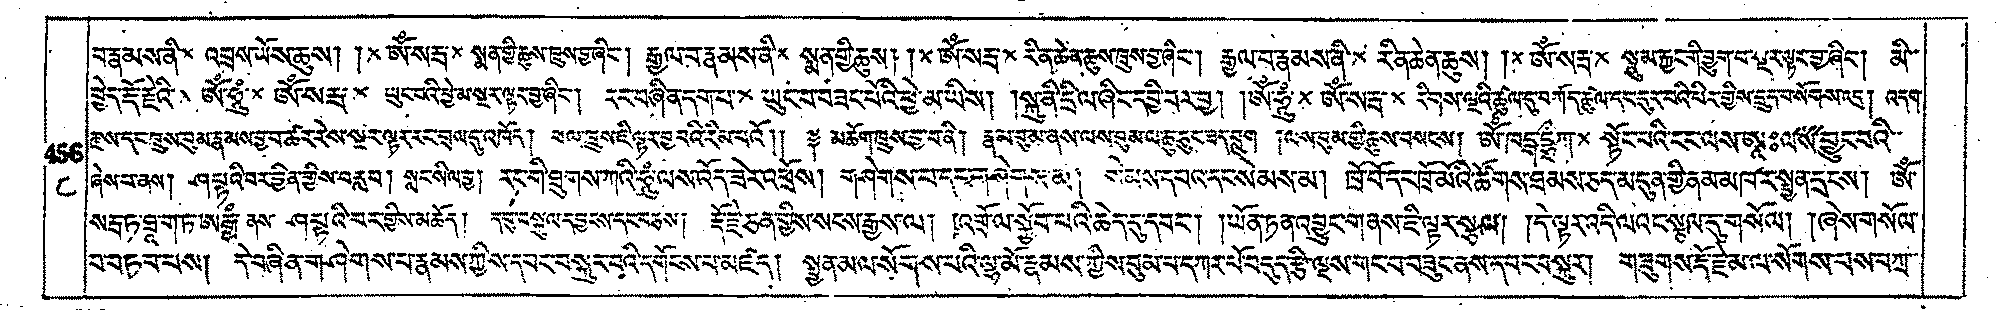བ་རྣམས་ནི་྾་འབྲས་ཡོས་ཆུས། ། ྾་ཨོཾ་སརྦ་྾་སྨན་གྱི་ཆུས་ཁྲུས་བྱ་ཞིང་།  རྒྱལ་བ་རྣམས་ནི་྾་སྨན་གྱི་ཆུས། ། ྾་ཨོཾ་སརྦ་྾་རིན་ཆེན་ཆུས་ཁྲུས་བྱ་ཞིང་།  རྒྱལ་བ་རྣམས་ནི་྾་རིན་ཆེན་ཆུས། ། ྾་ཨོཾ་སརྦ་྾་སྣུམ་རྐྱང་གི་བྱུག་པ་སྔར་ལྟར་བྱ་ཞིང་།  མི་
ཕྱེད་རྡོ་རྗེའི་྾་ཨོཾ་ཧཱུཾ་྾་ཨོཾ་སརྦ་྾་ཡུང་བའི་ཕྱེ་མ་སྔར་ལྟར་བྱ་ཞིང་།  རང་བཞིན་དག་པ་྾་ཡུང་བ་བཟང་པོའི་ཕྱེ་མ་ཡིས། །སྐུ་ནི་དྲིལ་ཞིང་དབྱི་བར་བྱ། །ཨོཾ་ཧཱུཾ་྾་ཨོཾ་སརྦ་྾་རིགས་ལྔའི་ཚུལ་དུ་བཀོད་ཚུལ་དང་དུར་བའི་པིར་གྱིས་དྲུད་པ་སོགས་འདྲ། འདག་
རྫས་དང་ཁྲུས་བུམ་རྣམས་བྱ་བ་ཚར་རེས་སྔར་ལྟར་རང་གྲལ་དུ་འཁོད། ཕལ་ཁྲུས་ཇི་ལྟར་བྱ་བའི་རིམ་པའོ། ། འ་མཆོག་ཁྲུས་བྱ་བ་ནི། རྣམ་བུམ་ནས་ལས་བུམ་ལ་ཆུ་ཅུང་ཟད་བླུག །ལས་བུམ་གྱི་ཆུས་བསངས། ཨོཾ་ཁངྒ་དྷྲྀ་ཀ་྾་སྟོང་པའི་ངང་ལས་ཨཱཿ ལས་བྱུང་བའི་
ཞེས་པ་ནས།  ཤཔྟའི་བར་བྱིན་གྱིས་བརླབ། སླང་སིལ་བྱ།  རང་གི་ཐུགས་ཀའི་ཧཱུཾ་ལས་འོད་ཟེར་འཕྲོས། གཤེགས་པ་དང་གཤེགས་མ། སེམས་དཔའ་དང་སེམས་མ། ཁྲོ་བོ་དང་ཁྲོ་མོའི་ཚོགས་ཐམས་ཅད་མདུན་གྱི་ནམ་མཁར་སྤྱན་དྲངས། ཨོཾ་
སརྦ་ཏ་ཐཱ་ག་ཏ་ཨརྒྷཾ་ནས་ཤཔྟའི་བར་གྱིས་མཆོད། དབུ་བསྐུལ་དབྱངས་དང་བཅས།  རྡོ་རྗེ་ཅན་གྱིས་སངས་རྒྱས་ལ། །འགྲོ་ལ་སྐྱོབ་པའི་ཆེད་དུ་དབང་། །ཡོན་ཏན་འབྱུང་གནས་ཇི་ལྟར་སྩལ། །དེ་ལྟར་འདི་ལའང་སྩལ་དུ་གསོལ། །ཞེས་གསོལ་
བ་བཏབ་པས། དེ་བཞིན་གཤེགས་པ་རྣམས་ཀྱིས་དབང་བསྐུར་བའི་དགོངས་པ་མཛད། སྤྱན་མ་ལ་སོགས་པའི་ལྷ་མོ་རྣམས་ཀྱིས་བུམ་པ་དཀར་པོ་བདུད་རྩི་ལྔས་གང་བ་བཟུང་ནས་དབང་བསྐུར། གཟུགས་རྡོ་རྗེ་མ་ལ་སོགས་པས་བཀྲ་